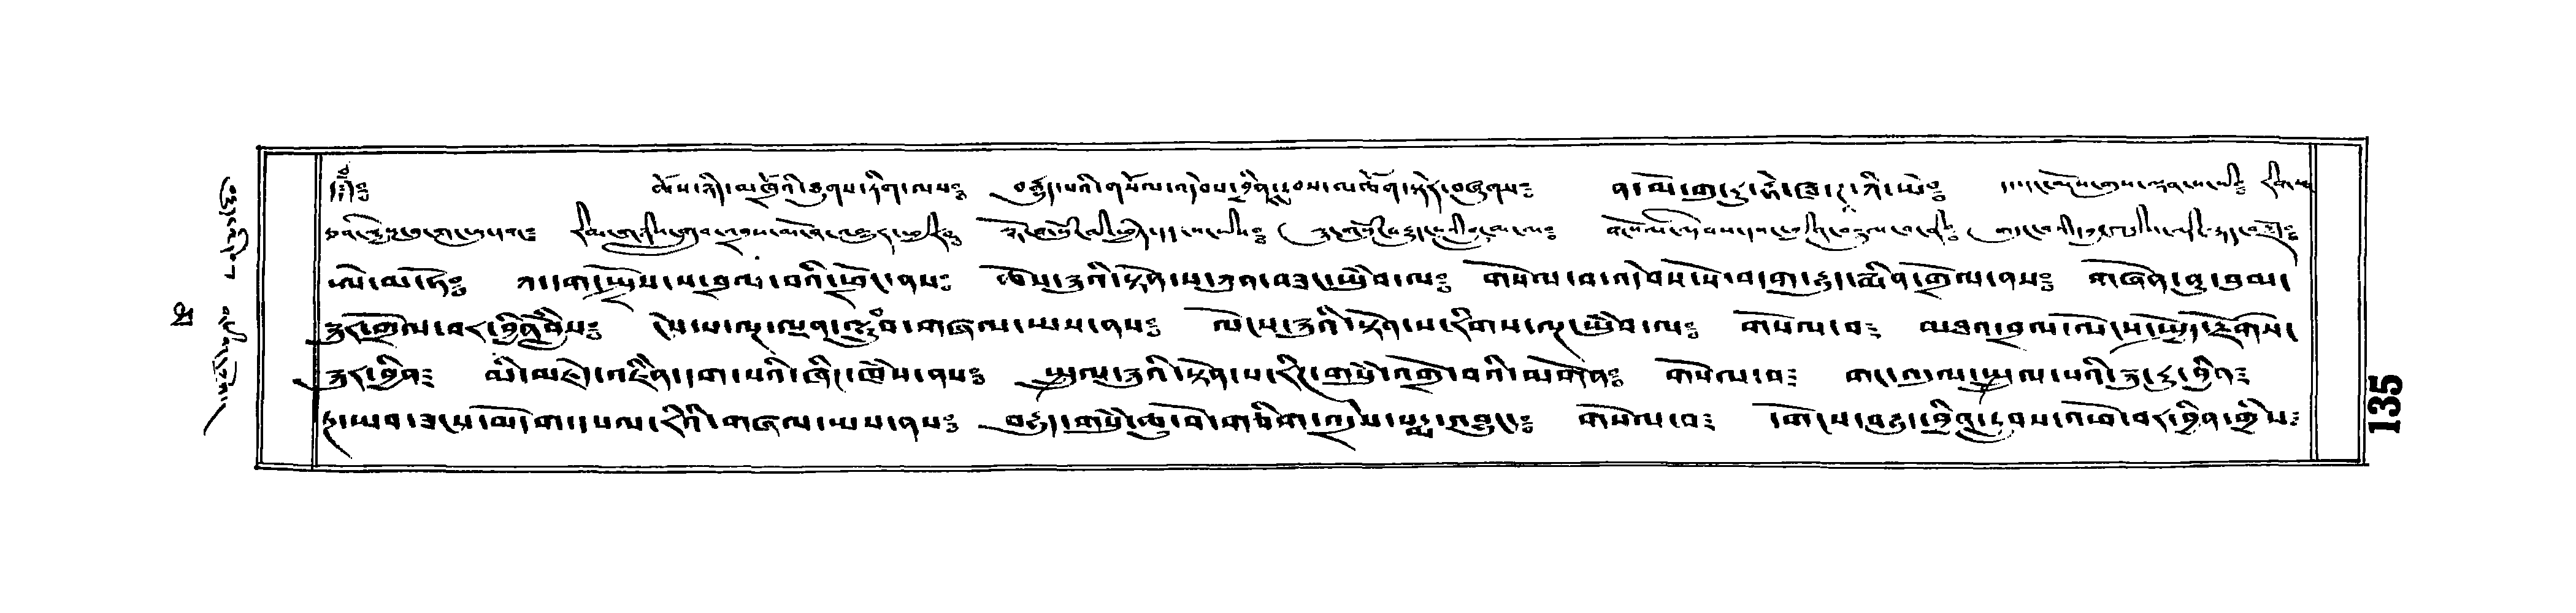ཆོས་ཉིད་མཁའ་འགྲོའི་ཐུགས་ཏིག་ལས༔ བརྒྱུད་པའི་གསོལ་འདེབས་བྱིན་རླབས་མཆོག་སྟེར་བཞུགས༔ ན་མོ་གུ་རུ་དྷེ་ཝ་ཌཱ་ཀི་ཡེ༔ དད་དང་མོས་གུས་ལྡན་པ་ཡི༔ རིགས་
ཅན་སྐྱེས་བུ་གང་སུ་དག༔ རིམ་གཉིས་གྲུབ་འབྲས་མངོན་འགྱུར་ཕྱིར༔ སྒོ་གསུམ་མི་ཕྱེད་དད་པ་ཡིས༔ སྐུ་གསུམ་བརྒྱུད་པའི་བླ་མ་ལ༔ གསོལ་འདེབས་དབང་བྱིན་བསྐུལ་བ་ནི༔ གདུང་བའི་དབྱངས་ཀྱི་འདི་སྐད་བརྗོད༔ 
ཨེ་མ་ཧོ༔ ཀ་དག་སྤྲོས་པ་བྲལ་བའི་ཕོ་བྲང་ནས༔ ཆོས་སྐུའི་སྟོན་པ་ཀུན་བཟང་ཡབ་ཡུམ་ལ༔ གསོལ་བ་འདེབས་སོ་བདག་རྒྱུད་སྨིན་གྲོལ་ནས༔ གཞོན་ནུ་བུམ་
སྐུར་གྲོལ་བར་བྱིན་གྱིས་རློབས༔ ངེས་པ་ལྔ་ལྡན་ལྷུན་གྲུབ་གཞལ་ཡས་ནས༔ ལོངས་སྐུའི་སྟོན་པ་རིགས་ལྔ་ཡབ་ཡུམ་ལ༔ གསོལ་བ༴ མཐའ་བྲལ་ལོངས་སྤྱོད་རྫོགས་
སྐུར༴ མི་མཇེད་འཇིག་རྟེན་དག་པའི་ཞིང་ཁམས་ནས༔ སྤྲུལ་སྐུའི་སྟོན་པ་རིགས་གསུམ་འགྲོ་བའི་མགོན༔ གསོལ་བ༴ གང་འདུལ་སྤྲུལ་བའི་སྐུ་རུ༴
 རྔ་ཡབ་ཟངས་མདོག་དཔལ་རིའི་གཞལ་ཡས་ནས༔ བརྒྱུད་གསུམ་ཆུ་བོ་གཅིག་འདྲེས་པདྨ་འབྱུང༔ གསོལ་བ༴ དགོངས་བརྒྱུད་བྱིན་རླབས་འཕོ་བར་བྱིན་གྱིས༴